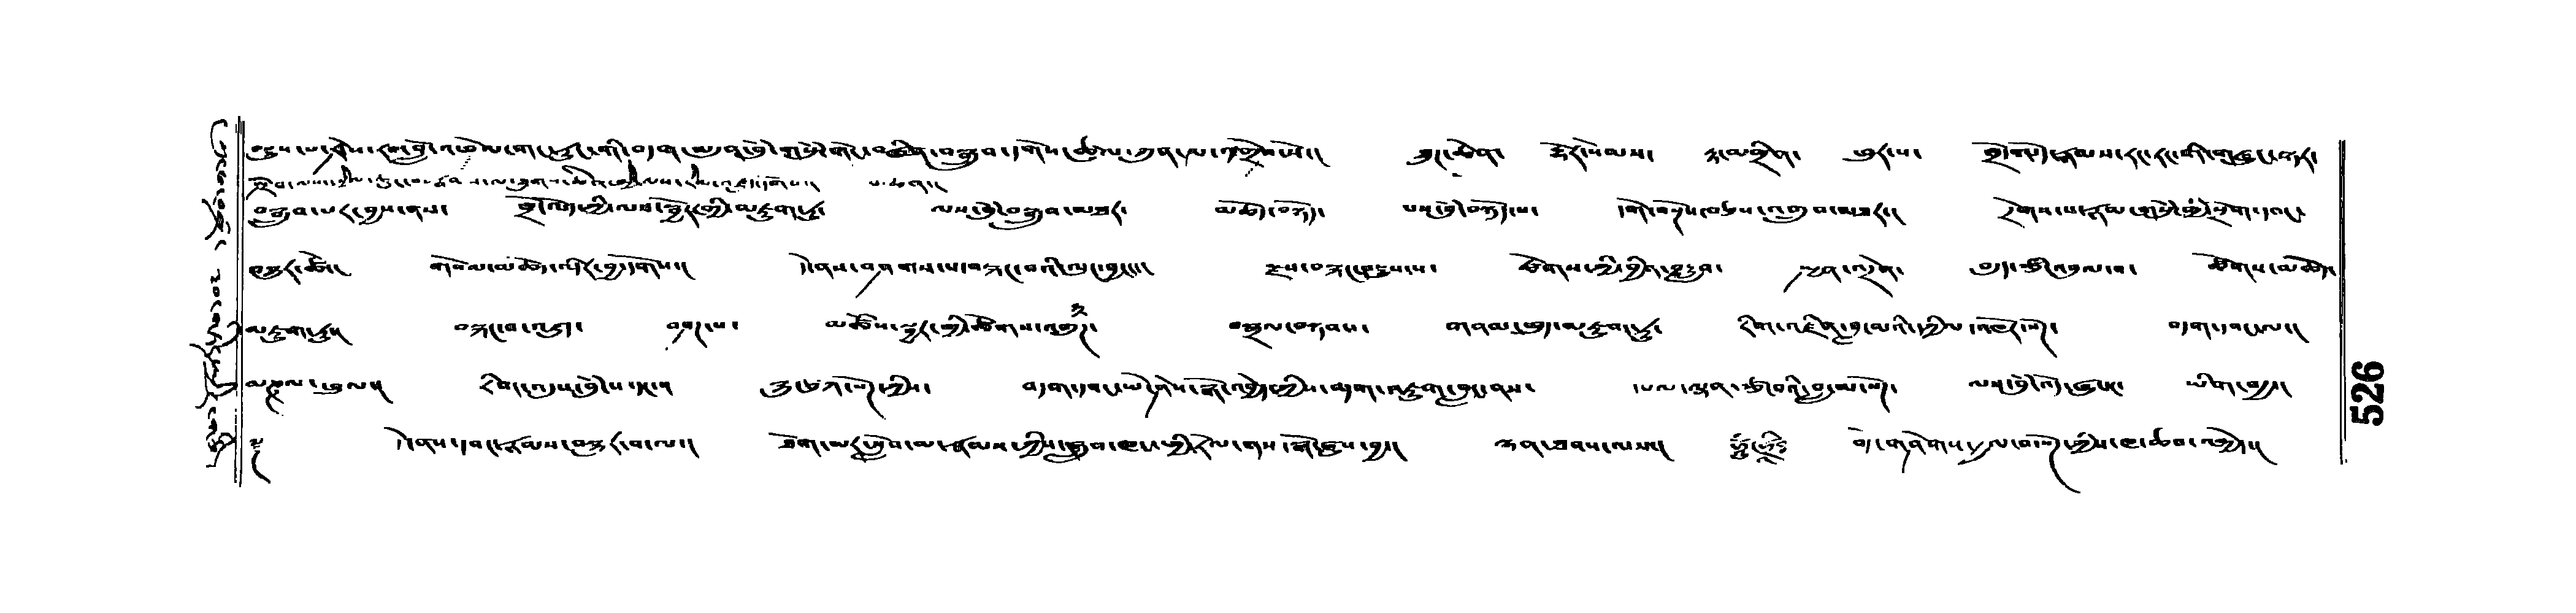བསྡུས་པ་ཤེས་རབ་བློ་འཕེལ་གང་རུང་གི་བདག་མདུན་བུམ་གསུམ་གོང་བཞིན་བསྒྲུབ་དགོས་ཚུལ་ཀུན་ལ་འགྲེས་སོ། ཐུགས་ཆེན། རྡོར་སེམས། རྟ་མགྲིན། ཕུར་པ། ཁྲོ་ལོད་རྣམས་རང་རང་གི་གཞུང་ལྟར་
བསྒྲུབ་པར་བྱས། ཁྲོ་ལོད་ཀྱི་ལས་སྦྱོར་གྱི་མཇུག་ཏུ། ལས་བུམ་བསྒྲུབ་མཐར། མཆོད་བསྟོད། ལས་བུམ་བསྟོད་པ། དགེ་བསྔོས་བཅས་འགྲུབ་མཐར། དྲེགས་པ་རྣམ་གསུམ་གྱི་སྲོག་དབང་
བསྐུར་ཚེ། གསོལ་མཆོད་འདིར་བྱ་དགོས། དེ་ནས་བཤགས་པ་བསྐང་བའི་ལུང་བྱང་། རྫས་བསྐང་བསྡུས་པ། ཚོགས་ཀྱི་བྱིན་བརླབ། སྤྱན་འདྲེན། བདུད་རྩི་འབུལ་བ། ཚོགས་མཆོད་
མཇུག་ཏུ་བསྐང་བ་འཛུད། བཤགས་པ། མཚམས་སྦྱར་གྱི་ཚོགས་འགུགས། བསྒྲལ་བསྟབས། གནམ་ཕུད་མཇུག་ཏུ། རིག་འཛིན་བླ་མའི་དཀྱིལ་འཁོར་སོགས། བདག་དབང་ལ། 
མཎྜལ་ཕུལ། རིག་འདུས་བུམ་པ་དང་། སྐུ་ཙཀ་སོགས་ཀྱིས། བདག་དབང་ཡེ་ཤེས་སྒོ་འབྱེད་ཀྱིས་བདག་འཇུག་བླང་ནས། དཔལ་ལྡན་རྩ་བའི་བླ་མ་སོགས། ལས་བུམ་འོད་ཞུ། ཡིག་བརྒྱ། 
༈ དེ་ནས་དབང་རྣམས་བསྐུར་བ་ལ། ཐོག་མར་སློབ་མ་རྣམས་ཀྱི་སྒྲུབ་ཁང་ཕྱི་རོལ་ནས་སྒོ་ཞུས་བྱ། ལྷན་ཐབས་ལས། ཧཱུྃ་ཧྲཱིཿ བདེ་གཤེགས་རྒྱལ་བ་སོགས་ཀྱིས་ཁ་ཆབ་འགྱེད།